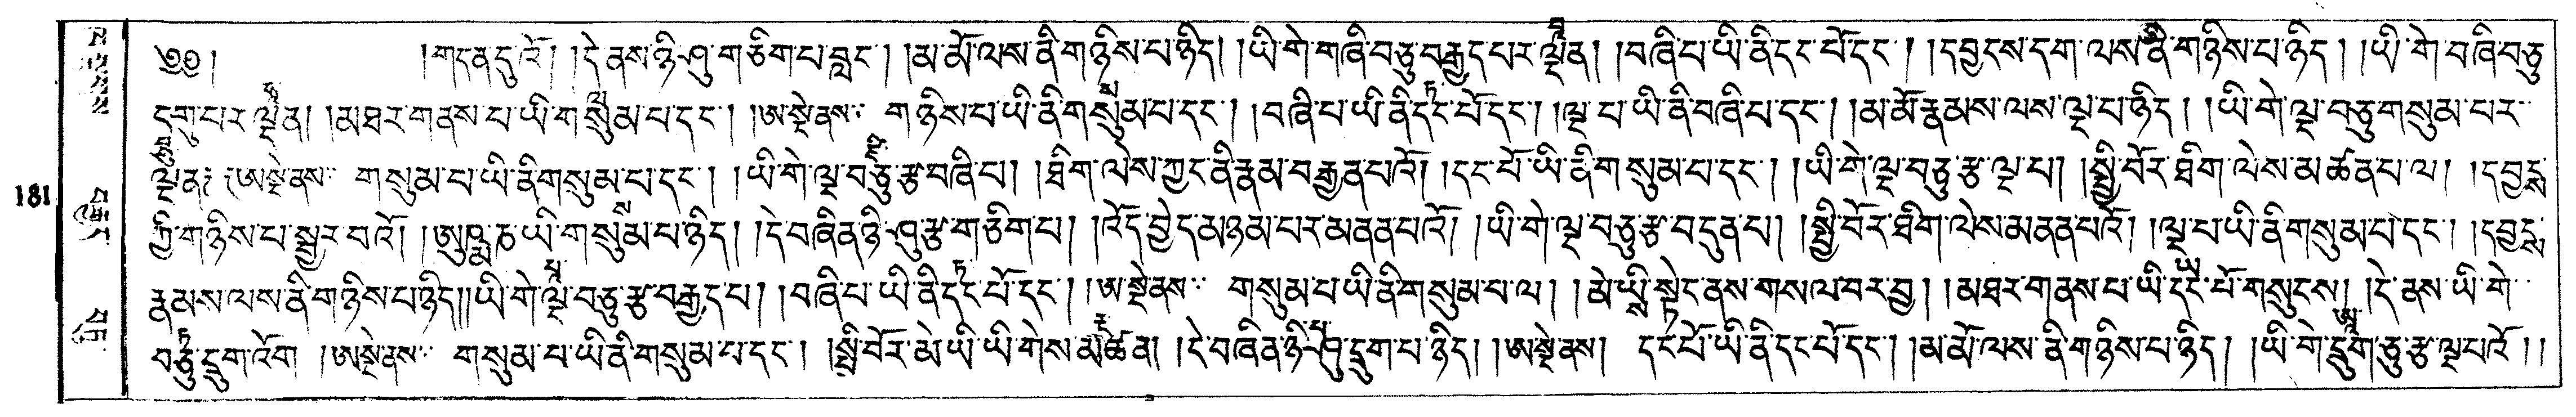༄༅། །གདན་དུའོ། །དེ་ནས་ཉི་ཤུ་གཅིག་པ་བླང་། །མ་མོ་ལས་ནི་གཉིས་པ་ཉིད། །ཡི་གེ་གཞི་བཅུ་བརྒྱད་པར་ལྡན། །བཞི་པ་ཡི་ནི་དང་པོ་དང་། །དབྱངས་དག་ལས་ནི་གཉིས་པ་ཉིད། །ཡི་གེ་བཞི་བཅུ་
དགུ་པར་ལྡན། །མཐར་གནས་པ་ཡི་གསུམ་པ་དང་། །ཨ་སྡེ་ནས༑ གཉིས་པ་ཡི་ནི་གསུམ་པ་དང་། །བཞི་པ་ཡི་ནི་དང་པོ་དང་། །ལྔ་པ་ཡི་ནི་བཞི་པ་དང་། །མ་མོ་རྣམས་ལས་ལྔ་པ་ཉིད། །ཡི་གེ་ལྔ་བཅུ་གསུམ་པར་
ལྡན༑ ༑ཨ་སྡེ་ནས༑ གསུམ་པ་ཡི་ནི་གསུམ་པ་དང་། །ཡི་གེ་ལྔ་བཅུ་རྩ་བཞི་པ། །ཐིག་ལེས་ཀྱང་ནི་རྣམ་བརྒྱན་པའོ། །དང་པོ་ཡི་ནི་གསུམ་པ་དང་། །ཡི་གེ་ལྔ་བཅུ་རྩ་ལྔ་པ། །སྤྱི་བོར་ཐིག་ལེས་མཚན་པ་ལ། །དབྱངས་
ཀྱི་གཉིས་པ་སྦྱར་བའོ། །ཨུཥྨ་ཎ་ཡི་གསུམ་པ་ཉིད། །དེ་བཞིན་ཉི་ཤུ་རྩ་གཅིག་པ། །འོད་བྱེད་མཉམ་པར་མནན་པའོ། །ཡི་གེ་ལྔ་བཅུ་རྩ་བདུན་པ། །སྤྱི་བོར་ཐིག་ལེས་མནན་པའོ། །ལྔ་པ་ཡི་ནི་གསུམ་པ་དང་། །དབྱངས་
རྣམས་ལས་ནི་གཉིས་པ་ཉིད། །ཡི་གེ་ལྔ་བཅུ་རྩ་བརྒྱད་པ། །བཞི་པ་ཡི་ནི་ཏ་དང་པོ་དང་། ། ཨ་སྡེ་ནས༑ གསུམ་པ་ཡི་ནི་གསུམ་པ་ལ། །མེ་ཡིས་སྟེང་ནས་གསལ་བར་བྱ། །མཐར་གནས་པ་ཡི་ཡ་དང་པོ་གསུངས། །དེ་ནས་ཡི་གེ་
བཅུ་དྲུག་འོག །ཨ་སྡེ་ནས༑ གསུམ་པ་ཡི་ནི་གསུམ་པ་དང་། །སྤྱི་བོར་མེ་ཡི་ཡི་གེས་མཚན། །དེ་བཞིན་ཉི་ཤུ་དྲུག་པ་ཉིད། །ཨ་སྡེ་ནས། དང་པོ་ཡི་ནི་དང་པོ་དང་། །མ་མོ་ལས་ནི་གཉིས་པ་ཉིད། །ཡི་གེ་དྲུག་ཅུ་རྩ་ལྔ་པའོ།།